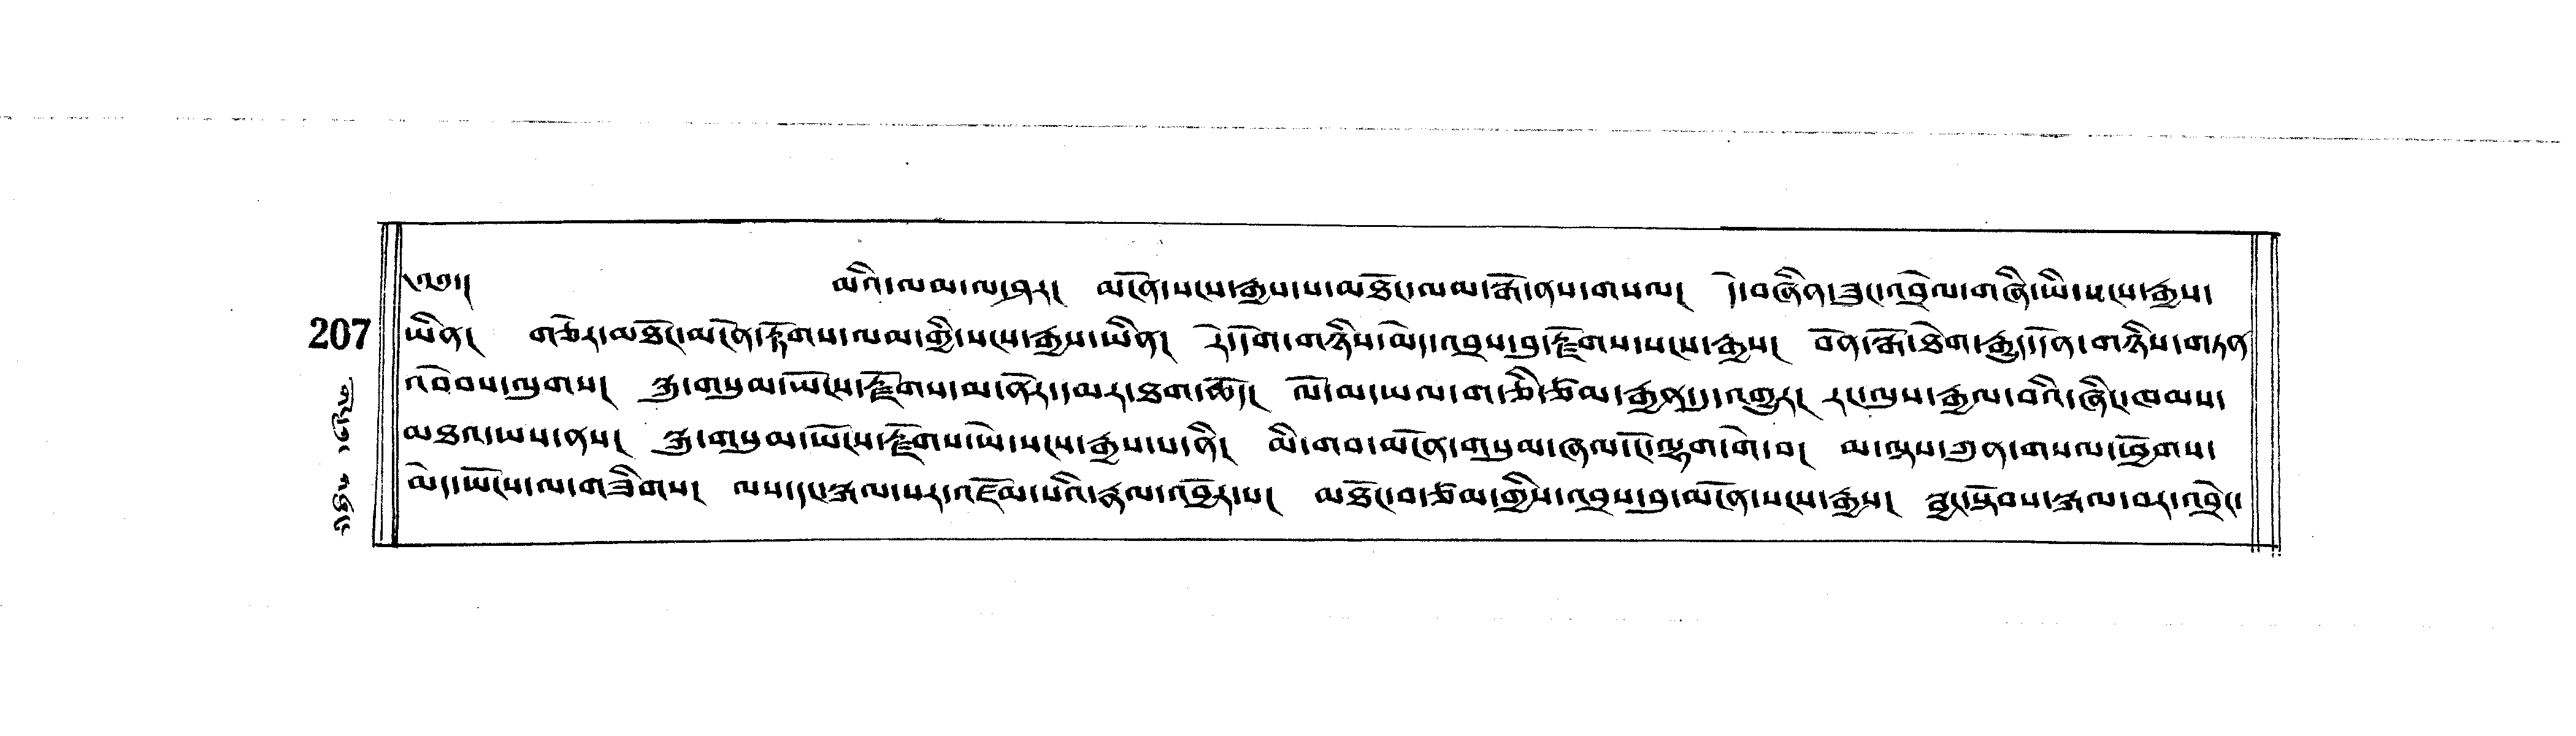མའི་ལམ་ལ་ཤར། མངོན་སངས་རྒྱས་པ་མཐོང་ལམ་སྒོ་ནས་གསལ། དེ་བཞིན་ཟུང་འབྲེལ་གཞི་ཡི་སངས་རྒྱས་
ཡིན། ཅེར་མཐོང་མངོན་རྟོགས་ལམ་གྱི་སངས་རྒྱས་ཡིན། རེ་དྭོགས་གཉིས་མེད་འབྲས་བུ་རྫོགས་སངས་རྒྱས། བོན་སྒོ་ཐེག་རྒྱུད་དོན་གཉིས་གཏན་
འབེབས་ལུགས། སྐུ་གསུམ་ཡོངས་རྫོགས་མ་ནོར་དམར་ཐག་ཆོད། ལོ་མ་ཡལ་ག་ཅི་ཙམ་རྒྱན་དུ་འགྱུར། རང་ལུས་རྒྱལ་བའི་ཞིང་ཁམས་
མཐའ་ཡས་ནས། སྐུ་གསུམ་ཡོངས་རྫོགས་ཡེ་སངས་རྒྱས་པ་ནི། མི་གབ་མངོན་སུམ་ཞལ་ངོ་ལྷག་གེ་བ། མ་བལྟས་ཀུན་གསལ་ཕྱོགས་
མེད་ཡོངས་ལ་གཟིགས། ལས་དང་སྐལ་པར་འཛོམས་པའི་རྣལ་འབྱོར་པ། མཐོང་བ་ཙམ་གྱིས་འབྲས་བུ་མངོན་སངས་རྒྱས། སྦྱང་སྟོབས་བསྐལ་པར་འབྲེང་